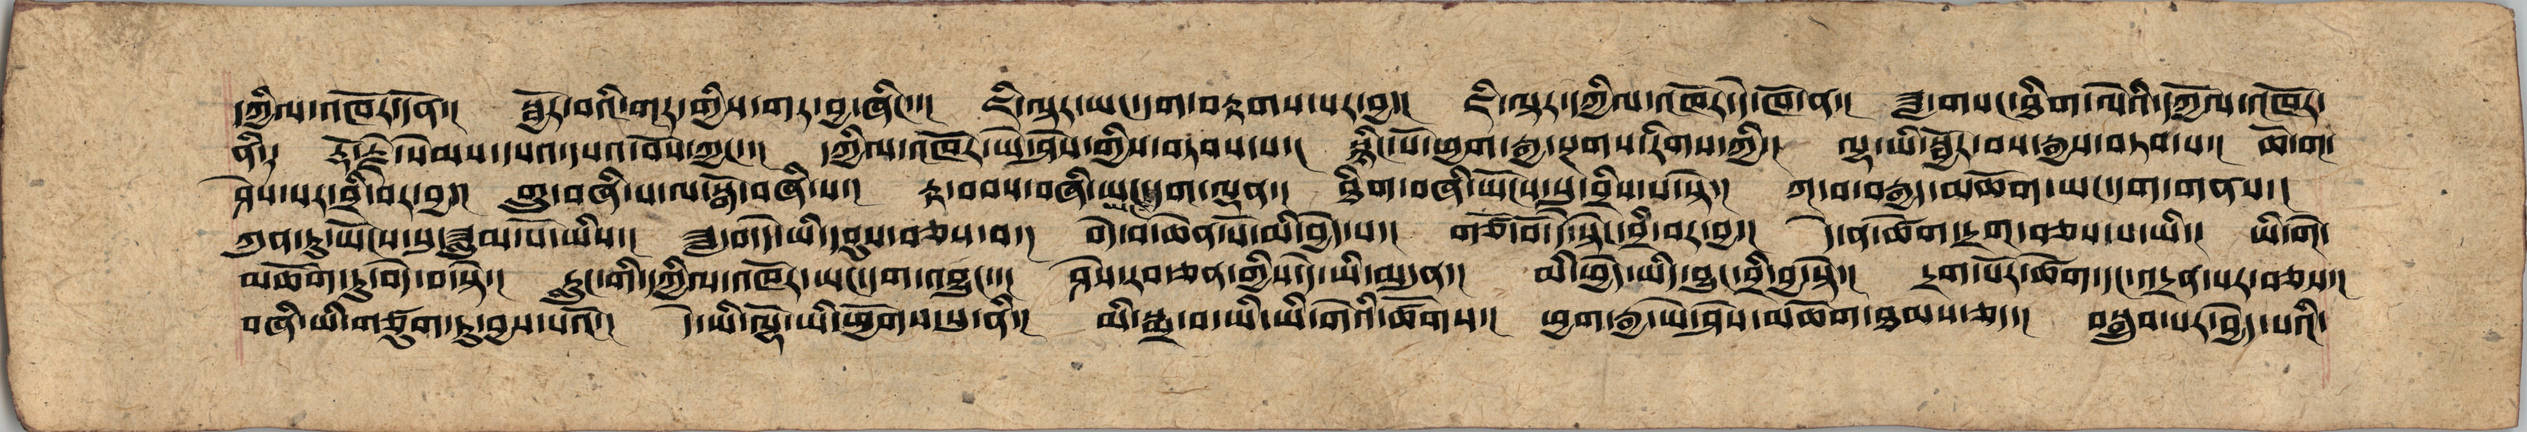དཀྱིལ་འཁོར་དོན་། སྦྱོར་བའི་གར་གྱིས་གར་བྱ་ཞིང་་། ཇི་ལྟར་ཡང་དག་བརྟགས་པར་བྱ་། ཇི་ལྟར་དཀྱིལ་འཁོར་དེ་ཁོ་ན་། ཟླ་གསང་ཐིག་ལེའི་དཀྱོལ་འཁོར་
ནི་༑ རྡོ་རྗེ་སེམས་དཔའ་དཔའ་བོས་ཀྱང་་། དཀྱིལ་འཁོར་ཡེ་ཤེས་གྱིས་བཏབས་པ་། སྙིང་པོ་ཕྱག་རྒྱ་སྔགས་རིགས་ཀྱི་། ལྷ་ཡི་སྦྱོར་བས་རྒྱས་བཏབ་པ་། ཆོ་ག་
ཤེས་པར་བྲི་བར་བྱ་། གྲུ་བཞི་པ་ལ་སྒོ་བཞི་པ་། རྟ་བབས་བཞི་ཡང་ཡང་དག་ལྡན་། ཐིག་བཞི་ཡོངས་སུ་བྲིས་པ་སྟེ་། ཀ་བ་བརྒྱད་མཆོག་ཡང་དག་གནས་།
ཀུན་ཏུ་ཡོངས་སུ་ཟླུམ་པོ་ཡིས་། ཟླ་བ་དེ་ཡི་དབུས་བཅས་བ་། བདེ་བ་ཆེན་པོ་མི་བྱེད་པ་། གཙོ་བོ་དེ་སྟེང་བྲི་བར་བྱ་། དེ་ནས་ཚེག་དྲག་བཅས་པ་ཡི་། ཡི་གེ་
མཆོག་ཏུ་བདེ་བ་སྟེ་། རླུང་གི་དཀྱིལ་འཁོར་ཡང་དག་འབྱུང་་། ཤེས་རབ་ཅན་གྱིས་དེ་ཡི་མདུན་། མི་ཕྱེད་ཡིད་བྱུང་བྲི་བྱ་སྟེ་། དྲག་པོར་ཚེག་དང་འདྲན་པར་བཅས་།
བཞི་ཡི་གཙུག་ཏུ་བྱས་པའོ་། དེ་ཡི་ལྷོ་ཡི་ཕྱོགས་སུ་ནི་། མི་སྨྲ་བ་ཡི་ཡི་གེའི་ཚོགས་། ཕྱག་རྒྱ་ཡེ་ཤེས་མཆོག་ཐམས་ཅད་། བསྒྲུབ་པར་བྱེད་པའི་